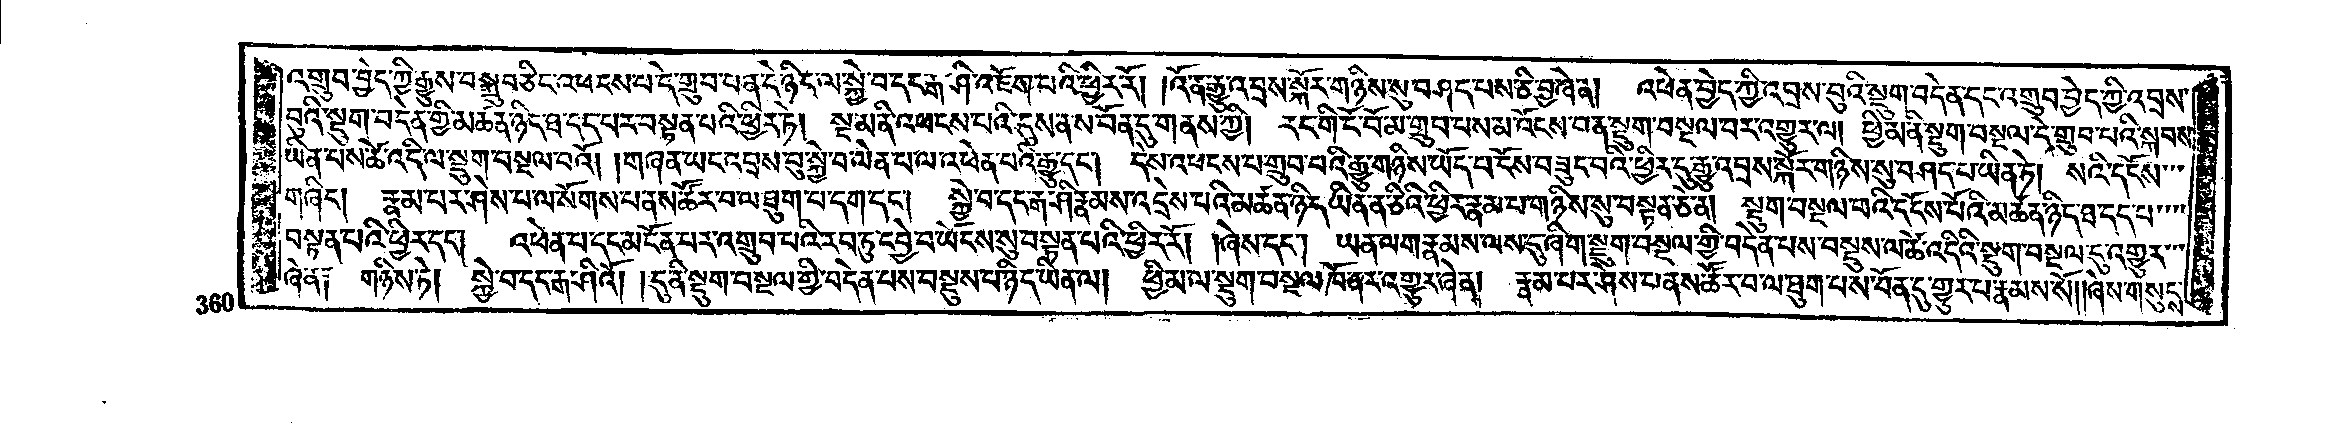འགྲུབ་བྱེད་ཀྱི་རྒྱུས་བསྒྲུབ་ཅིང་འཕངས་པ་དེ་གྲུབ་པ་ན་དེ་ཉིད་ལ་སྐྱེ་བ་དང་རྒ་ཤི་འཇོག་པའི་ཕྱིར་རོ། །འོ་ན་རྒྱུ་འབྲས་སྐོར་གཉིས་སུ་བཤད་པས་ཅི་བྱ་ཞེ་ན། འཕེན་བྱེད་ཀྱི་འབྲས་བུའི་སྡུག་བདེན་དང་འགྲུབ་བྱེད་ཀྱི་འབྲས་
བུའི་སྡུག་བདེན་གྱི་མཚན་ཉིད་ཐ་དད་པར་བསྟན་པའི་ཕྱིར་ཏེ། སྔ་མ་ནི་འཕངས་པའི་དུས་ན་ས་བོན་དུ་གནས་ཀྱི། རང་གི་ངོ་བོ་མ་གྲུབ་པས་མ་འོངས་པ་ན་སྡུག་བསྔལ་བར་འགྱུར་ལ། ཕྱི་མ་ནི་སྡུག་བསྔལ་དེ་གྲུབ་པའི་སྐབས་
ཡིན་པས་ཚེ་འདི་ལ་སྡུག་བསྔལ་བའོ། །གཞན་ཡང་འབྲས་བུ་སྐྱེ་བ་ལེན་པ་ལ་འཕེན་པའི་རྒྱུ་དང་། དེས་འཕངས་པ་གྲུབ་པའི་རྒྱུ་གཉིས་ཡོད་པ་ངོས་བཟུང་བའི་ཕྱིར་དུ་རྒྱུ་འབྲས་སྐོར་གཉིས་སུ་བཤད་པ་ཡིན་ཏེ། སའི་དངོས་
གཞིར། རྣམ་པར་ཤེས་པ་ལ་སོགས་པ་ནས་ཚོར་བ་ལ་ཐུག་པ་དག་དང་། སྐྱེ་བ་དང་རྒ་ཤི་རྣམས་འདྲེས་པའི་མཚན་ཉིད་ཡིན་ན་ཅིའི་ཕྱིར་རྣམ་པ་གཉིས་སུ་བསྟན་ཅེ་ན། སྡུག་བསྔལ་བའི་དངོས་པོའི་མཚན་ཉིད་ཐ་དད་པ་
བསྟན་པའི་ཕྱིར་དང་། འཕེན་པ་དང་མངོན་པར་འགྲུབ་པའི་རབ་ཏུ་དབྱེ་བ་ཡོངས་སུ་བསྟན་པའི་ཕྱིར་རོ། །ཞེས་དང་། ཡན་ལག་རྣམས་ལས་དུ་ཞིག་སྡུག་བསྔལ་གྱི་བདེན་པས་བསྡུས་ལ་ཚེ་འདིའི་སྡུག་བསྔལ་དུ་འགྱུར་
ཞེ་ན༑ གཉིས་ཏེ། སྐྱེ་བ་དང་རྒ་ཤིའོ། །དུ་ནི་སྡུག་བསྔལ་གྱི་བདེན་པས་བསྡུས་པ་ཉིད་ཡིན་ལ། ཕྱི་མ་ལ་སྡུག་བསྔལ་ཁོ་ནར་འགྱུར་ཞེ་ན། རྣམ་པར་ཤེས་པ་ནས་ཚོར་བ་ལ་ཐུག་པ་ས་བོན་དུ་གྱུར་པ་རྣམས་སོ། །ཞེས་གསུངས་